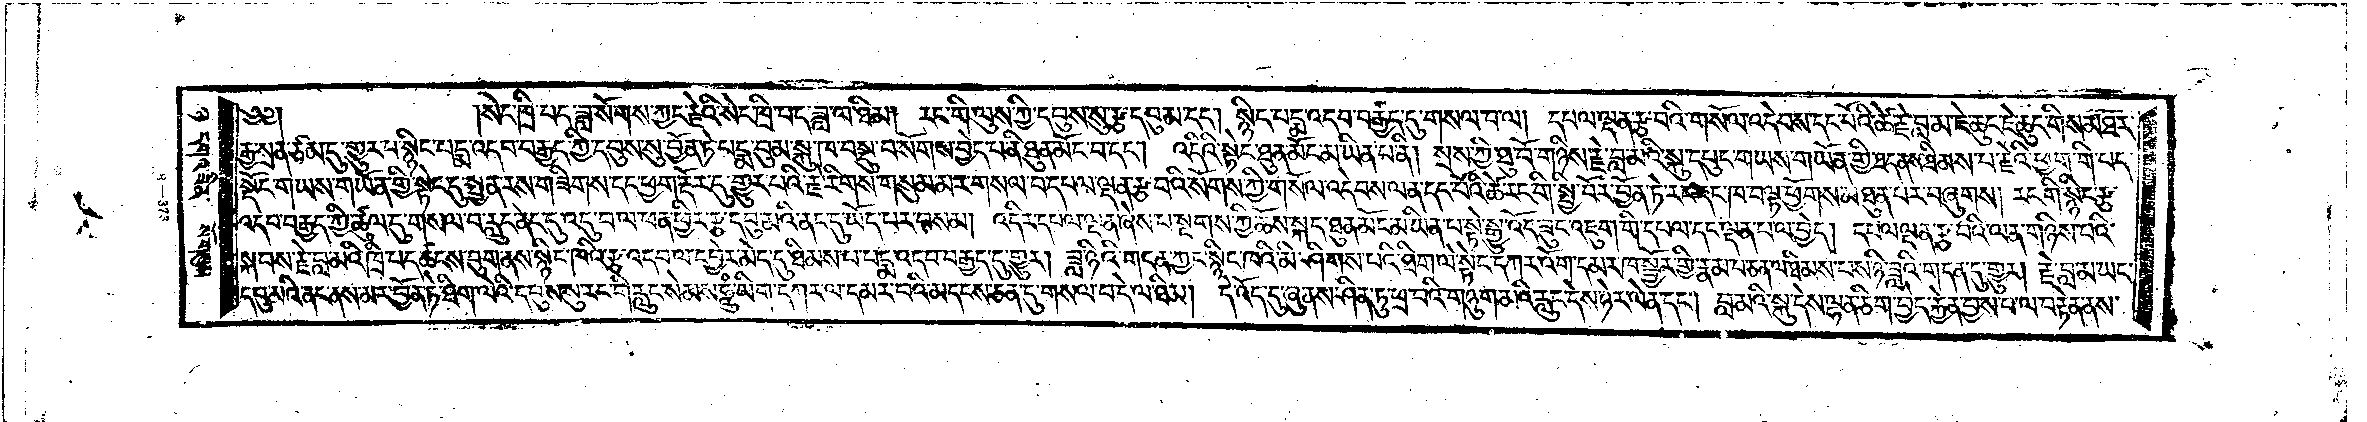༄༅། །སེང་ཁྲི་པད་ཟླ་སོགས་ཀྱང་རྗེའི་སེང་ཁྲི་པད་ཟླ་ལ་ཐིམ། རང་གི་ལུས་ཀྱི་དབུས་སུ་རྩ་དབུ་མ་དང་། སྙིང་པདམ་འདབ་བརྒྱད་དུ་གསལ་བ་ལ། དཔལ་ལྡན་རྩ་བའི་གསོལ་འདེབས་དང་པོའི་ཚེ་རྗེ་བླ་མ་ཇེ་ཆུང་ཇེ་ཆུང་གིས་མཐར་
རྒྱ་སྲན་ཙམ་དུ་གྱུར་པ་སྙིང་པདམ་འདབ་བརྒྱད་ཀྱི་དབུས་སུ་བྱོན་ཏེ་པདམ་བུམ་སྐུ་ཁ་བསྡུ་བ་སོགས་བྱེད་པ་ནི་ཐུན་མོང་བ་དང་། འདིའི་སྟེང་ཐུན་མོང་མ་ཡིན་པ་ནི། སྲས་ཀྱི་ཐུ་བོ་གཉིས་རྗེ་བླ་མའི་སྐུ་དཔུང་གཡས་གཡོན་གྱི་ཐད་ནས་ཐིམས་པ་རྗེའི་ཕྱག་གི་པད་
སྡོང་གཡས་གཡོན་གྱི་སྟེང་དུ་སྤྱན་རས་གཟིགས་དང་ཕྱག་རྡོར་དུ་གྱུར་པའི་རྗེ་རིགས་གསུམ་མར་གསལ་བ་དཔལ་ལྡན་རྩ་བའི་སོགས་ཀྱི་གསོལ་འདེབས་ལན་དང་པོའི་ཚེ་རང་གི་སྤྱི་བོར་བྱོན་ཏེ་རང་དང་ཁ་བལྟ་ཕྱོགས་མཐུན་པར་བཞུགས། རང་གི་སྙིང་རྩ་
འདབ་བརྒྱད་ཀྱི་ཚུལ་དུ་གསལ་བ་རླུང་ནང་དུ་འདུ་བ་ལ་ཕན་ཕྱིར་རྩ་དབུ་མའི་ནང་དུ་ཡོད་པར་བསམ། འདིར་དཔལ་ལྡན་ཞེས་པ་སྔགས་ཀྱི་ཆོས་སྐད་ཐུན་མོང་མ་ཡིན་པ་སྟེ་སྒྱུ་འོད་ཟུང་འཇུག་གི་དཔལ་དང་ལྡན་པ་ལ་བྱེད། དཔལ་ལྡན་རྩ་བའི་ལན་གཉིས་པའི་
སྐབས་རྗེ་བླ་མའི་ཁྲི་པད་ཚངས་བུག་ནས་སྙིང་ཁའི་རྩ་འདབ་ལ་དབྱེར་མེད་དུ་ཐིམས་པ་པདམ་འདབ་བརྒྱད་དུ་གྱུར། ཟླ་ཉིའི་གདན་ཀྱང་སྙིང་ཁའི་མི་ཤིགས་པའི་ཐིག་ལེ་སྟེང་དཀར་འོག་དམར་ཁ་སྦྱོར་གྱི་རྣམ་པ་ཅན་ལ་ཐིམས་པས་ཉི་ཟླའི་གདན་དུ་གྱུར། རྗེ་བླ་མ་ཡང་
དབུ་མའི་ནང་ནས་མར་བྱོན་ཏེ་ཐིག་ལེའི་དབུས་སུ་རང་གི་རླུང་སེམས་ཧཱུཾ་ཡིག་དཀར་ལ་དམར་བའི་མདངས་ཅན་དུ་གསལ་བ་དེ་ལ་ཐིམ། དེ་འོད་དུ་ཞུ་ནས་ཤིན་ཏུ་ཕྲ་བའི་གཉུག་མའི་རླུང་དེས་ཉེར་ལེན་དང་། བླ་མའི་སྐུ་དེས་ལྷན་ཅིག་བྱེད་རྐྱེན་བྱས་པ་ལ་བརྟེན་ནས་